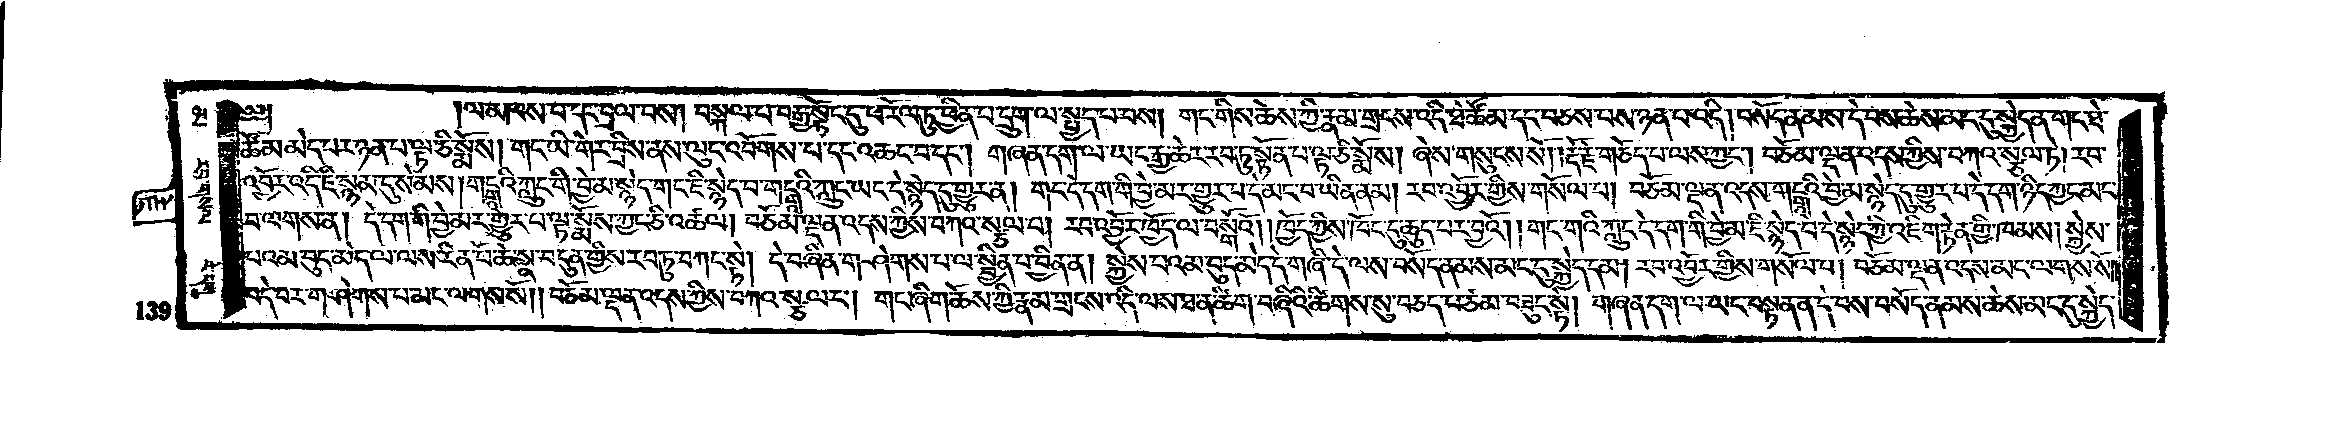༄༅། །ལ་མཁས་པ་དང་བྲལ་བས། བསྐལ་པ་བརྒྱ་སྟོང་དུ་ཕ་རོལ་ཏུ་ཕྱིན་པ་དྲུག་ལ་སྤྱད་པ་བས། གང་གིས་ཆོས་ཀྱི་རྣམ་གྲངས་འདི་ཐེ་ཚོམ་དང་བཅས་པས་ཉན་པ་འདི། བསོད་ནམས་དེ་བས་ཆེས་མང་དུ་སྐྱེད་ན་གང་ཐེ་
ཚོམ་མེད་པར་ཉན་པ་ལྟ་ཅི་སྨོས། གང་ཡི་གེར་བྲིས་ནས་ལུང་འབོགས་པ་དང་འཆང་བ་དང་། གཞན་དག་ལ་ཡང་རྒྱ་ཆེར་རབ་ཏུ་སྟོན་པ་ལྟ་ཅི་སྨོས། ཞེས་གསུངས་སོ། །རྡོ་རྗེ་གཅོད་པ་ལས་ཀྱང་། བཅོམ་ལྡན་འདས་ཀྱིས་བཀའ་སྩལ་ཏེ། རབ་
འབྱོར་འདི་ཇི་སྙམ་དུ་སེམས། གངྒཱའི་ཀླུང་གི་བྱེ་མ་སྙེད་གང་ཇི་སྙེད་པ་གངྒཱའི་ཀླུང་ཡང་དེ་སྙེད་དུ་གྱུར་ན། གང་དེ་དག་གི་བྱེ་མར་གྱུར་པ་དེ་མང་བ་ཡིན་ནམ། རབ་འབྱོར་གྱིས་གསོལ་པ། བཅོམ་ལྡན་འདས་གངྒཱའི་བྱེ་མ་སྙེད་དུ་གྱུར་པ་དེ་དག་ཉིད་ཀྱང་མང་
བ་ལགས་ན། དེ་དག་གི་བྱེ་མར་གྱུར་པ་ལྟ་སྨོས་ཀྱང་ཅི་འཚལ། བཅོམ་ལྡན་འདས་ཀྱིས་བཀའ་སྩལ་བ། རབ་འབྱོར་ཁྱོད་ལ་བསྒོའོ། །ཁྱོད་ཀྱིས་ཁོང་དུ་ཆུད་པར་བྱའོ། །གང་གའི་ཀླུང་དེ་དག་གི་བྱེ་མ་ཇི་སྙེད་པ་དེ་སྙེད་ཀྱི་འཇིག་རྟེན་གྱི་ཁམས། སྐྱེས་
པའམ་བུད་མེད་ལ་ལས་རིན་པོ་ཆེ་སྣ་བདུན་གྱིས་རབ་ཏུ་བཀང་སྟེ། དེ་བཞིན་གཤེགས་པ་ལ་སྦྱིན་པ་བྱིན་ན། སྐྱེས་པའམ་བུད་མེད་དེ་གཞི་དེ་ལས་བསོད་ནམས་མང་དུ་སྐྱེད་དམ། རབ་འབྱོར་གྱིས་གསོལ་པ། བཅོམ་ལྡན་འདས་མང་ལགས་སོ། །
བདེ་བར་གཤེགས་པ་མང་ལགས་སོ། །བཅོམ་ལྡན་འདས་ཀྱིས་བཀའ་སྩལ་པ། གང་ཞིག་ཆོས་ཀྱི་རྣམ་གྲངས་འདི་ལས་ཐ་ན་ཚིག་བཞིའི་ཚིགས་སུ་བཅད་པ་ཙམ་བཟུང་སྟེ། གཞན་དག་ལ་ཡང་བསྟན་ན་དེ་བས་བསོད་ནམས་ཆེས་མང་དུ་སྐྱེད་